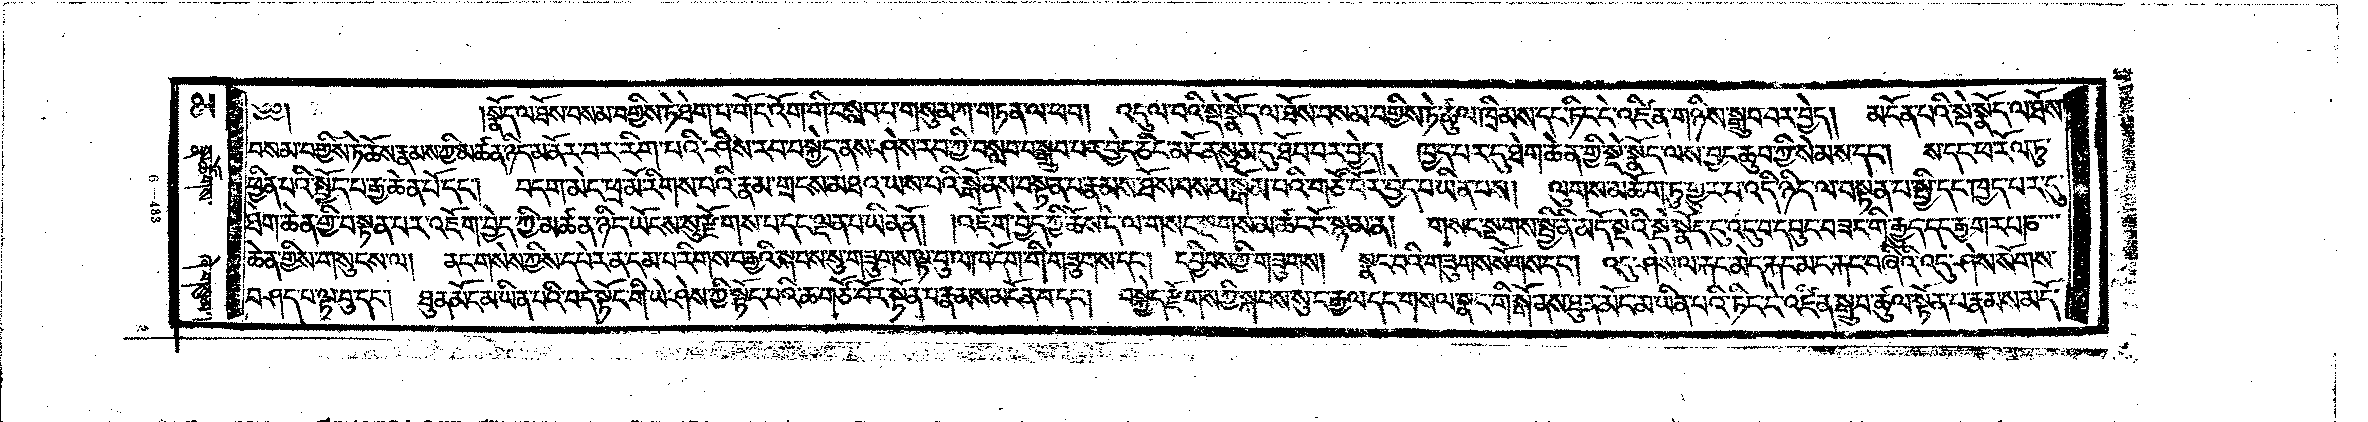༄༅། །སྣོད་ལ་ཐོས་བསམ་བགྱིས་ཏེ་ཐེག་པ་གོང་འོག་གི་བསླབ་པ་གསུམ་ཀ་གཏན་ལ་པབ། འདུལ་བའི་སྡེ་སྣོད་ལ་ཐོས་བསམ་བགྱིས་ཏེ་ཚུལ་ཁྲིམས་དན་ཏིང་ངེ་འཛིན་གཉིས་སྒྲུབ་བར་བྱེད། མངོན་པའི་སྡེ་སྣོད་ལ་ཐོས་
བསམ་བགྱིས་ཏེ་ཆོས་རྣམས་ཀྱི་མཚན་ཉིད་མ་ནོར་བར་རིག་པའི་ཤེས་རབ་བསྐྱེད་ནས་ཤེས་རབ་ཀྱི་བསླབ་པ་སྒྲུབ་པར་བྱེད་ཅིང་མངོན་སུམ་དུ་ཐོབ་པར་བྱེད། ཁྱད་པར་དུ་ཐེག་ཆེན་གྱི་སྡེ་སྣོད་ལས་བྱང་ཆུབ་ཀྱི་སེམས་དང་། ས་དང་ཕ་རོལ་ཏུ་
ཕྱིན་པའི་སྤྱོད་པ་རྒྱ་ཆེན་པོ་དང་། བདག་མེད་ཕྲ་མོ་རིགས་པའི་རྣམ་གྲངས་མཐའ་ཡས་པའི་སྒོ་ནས་བསྟན་པ་རྣམས་ཐོས་བསམ་སྒོམ་བའི་གཙོ་བོར་བྱེད་པ་ཡིན་པས། ལུགས་མཆོག་ཏུ་གྱུར་པ་འདི་ཉིད་ལ་བསྟན་པ་སྤྱི་དང་ཁྱད་པར་དུ་
ཐེག་ཆེན་གྱི་བསྟན་པར་འཇོག་བྱེད་ཀྱི་མཚན་ཉིད་ཡོངས་སུ་རྫོགས་པ་དང་ལྡན་པ་ཡིན་ནོ། །འཇོག་བྱེད་ཀྱི་ཆོས་དེ་ལ་གསང་སྔགས་མ་ཚང་ངོ་སྙམ་ན། གསང་སྔགས་སྤྱི་ནི་མདོ་སྡེའི་སྡེ་སྣོད་དུ་འདུ་བ་དབུང་བཟང་གི་རྒྱུད་དང་རྒྱ་གར་པཎ་
ཆེན་གྱིས་གསུངས་ལ། ནང་གསེས་ཀྱིས་དཔེར་ན་དམ་པ་རིགས་བརྒྱའི་སྐབས་སུ་གཟུགས་ལྟ་བུ་ལ་ཁ་དོག་གི་གཟུགས་དང་། དབྱིབས་ཀྱི་གཟུགས། སྣང་བའི་གཟུགས་སོགས་དང་། འདུ་ཤེས་ལ་རྐང་མེད་རྐང་མང་རྐང་བཞིའི་འདུ་ཤེས་སོགས་
བཤད་པ་ལྟ་བུ་དང་། ཐུན་མོང་མ་ཡིན་པའི་བདེ་སྟོང་གི་ཡེ་ཤེས་ཀྱི་སྟོང་པའི་ཆ་གཙོ་བོར་སྟོན་པ་རྣམས་མངོན་བ་དང་། བསྐྱེད་རྫོགས་ཀྱི་སྐབས་སུ་ང་རྒྱལ་དང་གསལ་སྣང་གི་སྒོ་ནས་ཐུན་མོང་མ་ཡིན་པའི་ཏིང་ངེ་འཛིན་སྒྲུབ་ཚུལ་སྟོན་པ་རྣམས་མདོ་